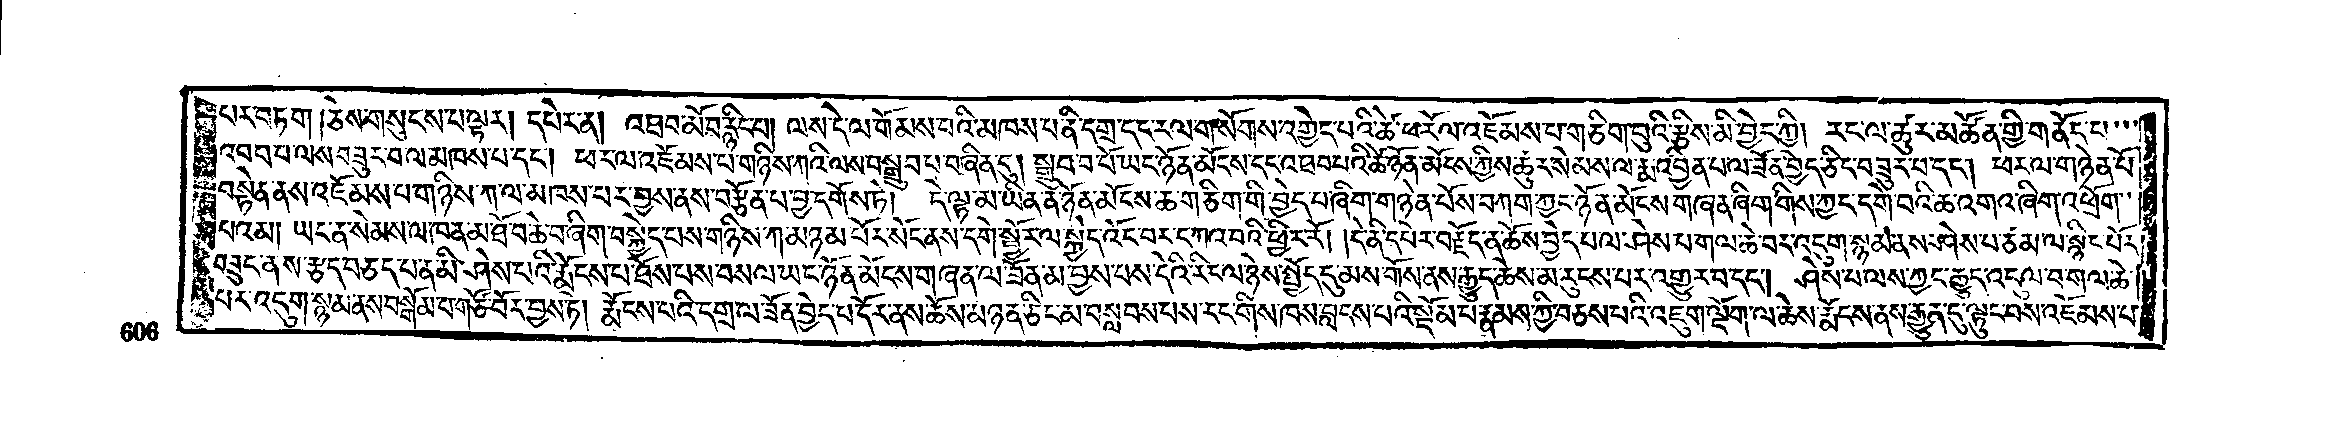པར་བཏང་། །ཅེས་གསུངས་པ་ལྟར། དཔེར་ན། འཐབ་མོ་བ་རྙིང་པ། ལས་དེ་ལ་གོམས་པའི་མཁས་པ་ནི་དགྲ་དང་རལ་ག་སོགས་འགྱེད་པའི་ཚེ་ཕ་རོལ་འཇོམས་པ་གཅིག་པུའི་རྩིས་མི་བྱེད་ཀྱི། རང་ལ་ཚུར་མཚོན་གྱི་གནོད་པ་
འབབ་པ་ལས་བཟུར་བ་ལ་མཁས་པ་དང་། ཕར་ལ་འཇོམས་པ་གཉིས་ཀའི་ལས་བསྒྲུབ་པ་བཞིན་དུ། སྒྲུབ་པ་པོ་ཡང་ཉོན་མོངས་དང་འཐབ་པའི་ཚེ་ཉོན་མོངས་ཀྱིས་ཚུར་སེམས་ལ་རྨ་འབྱིན་པ་ལ་ཟོན་བྱེད་ཅིང་བཟུར་བ་དང་། ཕར་ལ་གཉེན་པོ་
བསྟེན་ནས་འཇོམས་པ་གཉིས་ཀ་ལ་མཁས་པར་བྱས་ནས་བརྩོན་པ་བྱ་དགོས་ཏེ། དེ་ལྟ་མ་ཡིན་ན་ཉོན་མོངས་ཆ་གཅིག་གི་བྱེད་པ་ཞིག་གཉེན་པོས་བཀག་ཀྱང་ཉོན་མོངས་གཞན་ཞིག་གིས་ཀྱང་དགེ་བའི་ཆ་འགའ་ཞིག་འཕྲོག་
པའམ། ཡང་ན་སེམས་ལ་ཁ་ན་མ་ཐོ་བ་ཆེ་བ་ཞིག་བསྐྱེད་པས་གཉིས་ཀ་མཉམ་པོར་སོང་ནས་དགེ་སྦྱོར་ལ་སྐྱེད་འོང་བར་དཀའ་བའི་ཕྱིར་རོ། །དེ་ནི་དཔེར་བརྗོད་ན་ཆོས་བྱེད་པ་ལ་ཤེས་པ་གལ་ཆེ་བར་འདུག་སྙམ་ནས་ཤེས་པ་ཙམ་ལ་སྙིང་པོར་
བཟུང་ནས་རྩད་བཅད་པ་ན་མི་ཤེས་པའི་རྨོངས་པ་ཐོས་པས་བསལ་ཡང་ཉོན་མོངས་གཞན་ལ་ཟོན་མ་བྱས་པས་དེའི་རིང་ལ་ཉེས་སྤྱོད་དུ་མས་གོས་ནས་རྒྱུད་ཆེས་མ་རུངས་པར་འགྱུར་བ་དང་། ཤེས་པ་ལས་ཀྱང་རྒྱུད་འདུལ་བ་གལ་ཆེ་
བར་འདུག་སྙམ་ནས་བསྒོམ་པ་གཙོ་བོར་བྱས་ཏེ། རྨོངས་པའི་དགྲ་ལ་ཟོན་བྱེད་པ་དོར་ནས་ཆོས་མ་ཉན་ཅིང་མ་བསླབས་པས་རང་གིས་ཁས་བླངས་པའི་སྡོམ་པ་རྣམས་ཀྱི་བཅས་པའི་འཇུག་ལྡོག་ལ་ཆེས་རྨོངས་ནས་རྒྱུན་དུ་ལྟུང་བས་འཇོམས་པ་